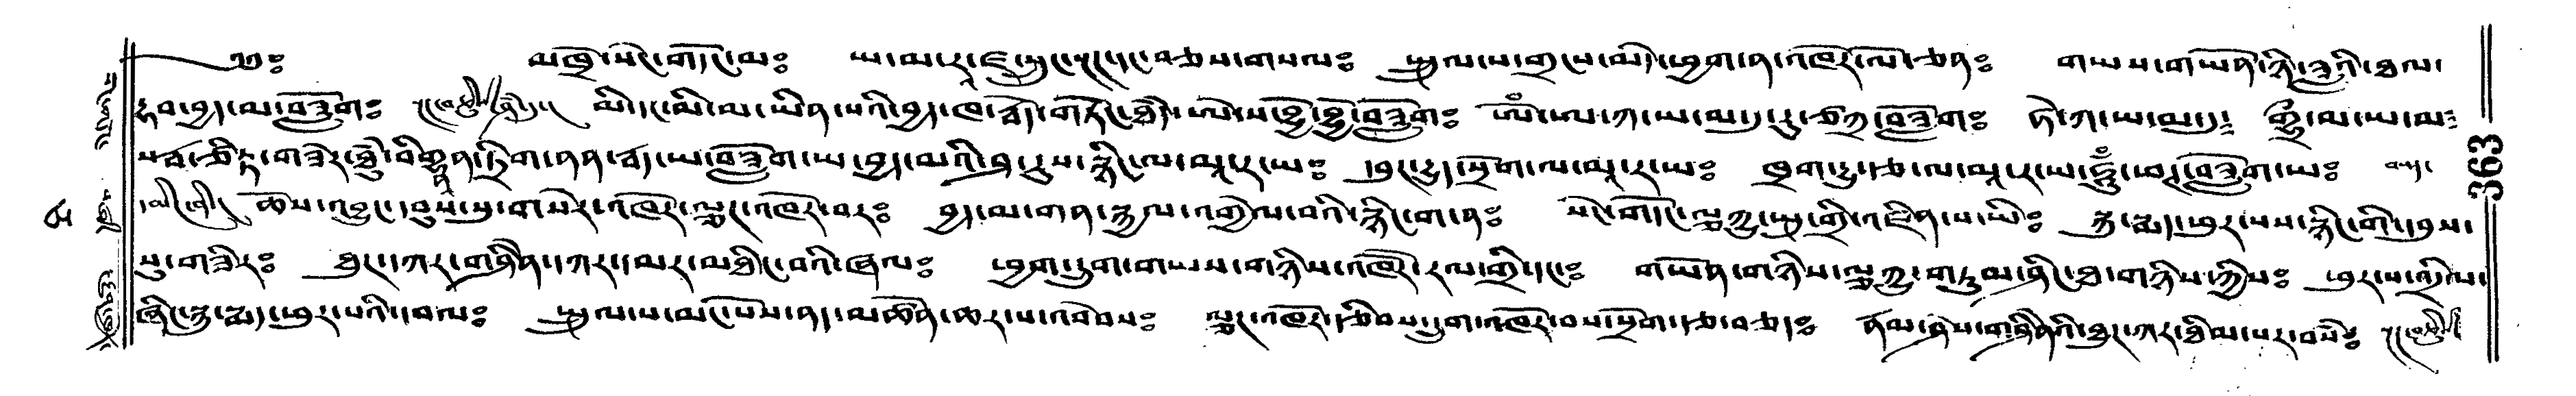མཁའ་འགྲཽ་སེང་གདོང་མ༔ ཡ་མ་རཱ་ཛ་སྲུང་སྔགས་དང་བཅས་གསལ༔ སྤྲུལ་པ་གྲངས་མེད་ཕྱག་ན་འཁོར་ལོ་ཅན༔ གཡས་གཡོན་ཉི་ཟླའི་ཐལ་
རྡེབ་བྱད་མ་བཟློག༔ སྔགས་བཅུའི་གཤམ་དུ། མི་དང་མི་མ་ཡིན་པའི་བྱད་ཁ་རྦོད་གཏོང་ཐམས་ཅད་ཨེ་ས་བྷྱོ་བྷྱོ་བཟློག༔ ཨོཾ་ཨ་ཀ་ཡ་མ་དུ་རུ་ཙཀྲ་བཟློག༔ ཧེ་ཀ་ཡ་མ་དུ༔ གྷྲྀ་མ་ཡ་མ་
སརྦ་ཙིཏྟ་གཟེར་ཐུམ་བིགྷྣཱན་ཏྲིག་ནན་རྦད་ཡ་བཟློག་ཡ་བྱད་མའི་ཤ་རུས་སྙིང་ལ་མཱ་ར་ཡ༔ དབུགས་རྒྱུད་སྲོག་ལ་མཱ་ར་ཡ༔ ཁྲག་རྒྱུད་རྩ་ལ་མཱ་ར་ཡ་ཧཱུྃ་ཕཊ་བཟློག་ཡ༔ བསད་
དམིགས་ནི། ཆོས་འབྱུང་དབུས་སུ་གསེར་འཁོར་ལྕགས་འཁོར་བར༔ བྱད་མ་གན་ཀྱལ་འགྱེལ་བའི་སྙིང་ག་ན༔ སེང་གདོང་ལྕགས་ཀྱུ་སྤུ་གྲི་འཛིན་པ་ཡི༔ སྐུ་སྨད་ཕུར་པས་སྙིང་གི་དབུས་
སུ་གཟིར༔ ཐུགས་ཀར་གཤིན་རྗེ་དཀར་དམར་མཐིང་བའི་ཞལ༔ ཕྱག་དྲུག་གཡས་གཉིས་འཁོར་ལོ་རལ་གྲི་དང༔ གཡོན་གཉིས་ལྕགས་ཀྱུ་གཏུན་ཤིང་ཐ་གཉིས་ཀྱིས༔ ཕུར་པ་འདྲིལ་
ཞིང་སྐུ་སྨད་ཕུར་པའི་དབལ༔ སྤྲུལ་པ་མང་པོས་ནད་མཚོན་ཆར་པ་འབེབས༔ ལྕགས་འཁོར་རྩིབས་དྲུག་འཁོར་བས་སྲོག་རྩ་བཅད༔ རྣམ་ཤེས་གཤིན་རྗེའི་ཐུགས་ཀར་ཐིམ་པར་བསམ༔ སྔགས་བཅུ་བཞིའི་